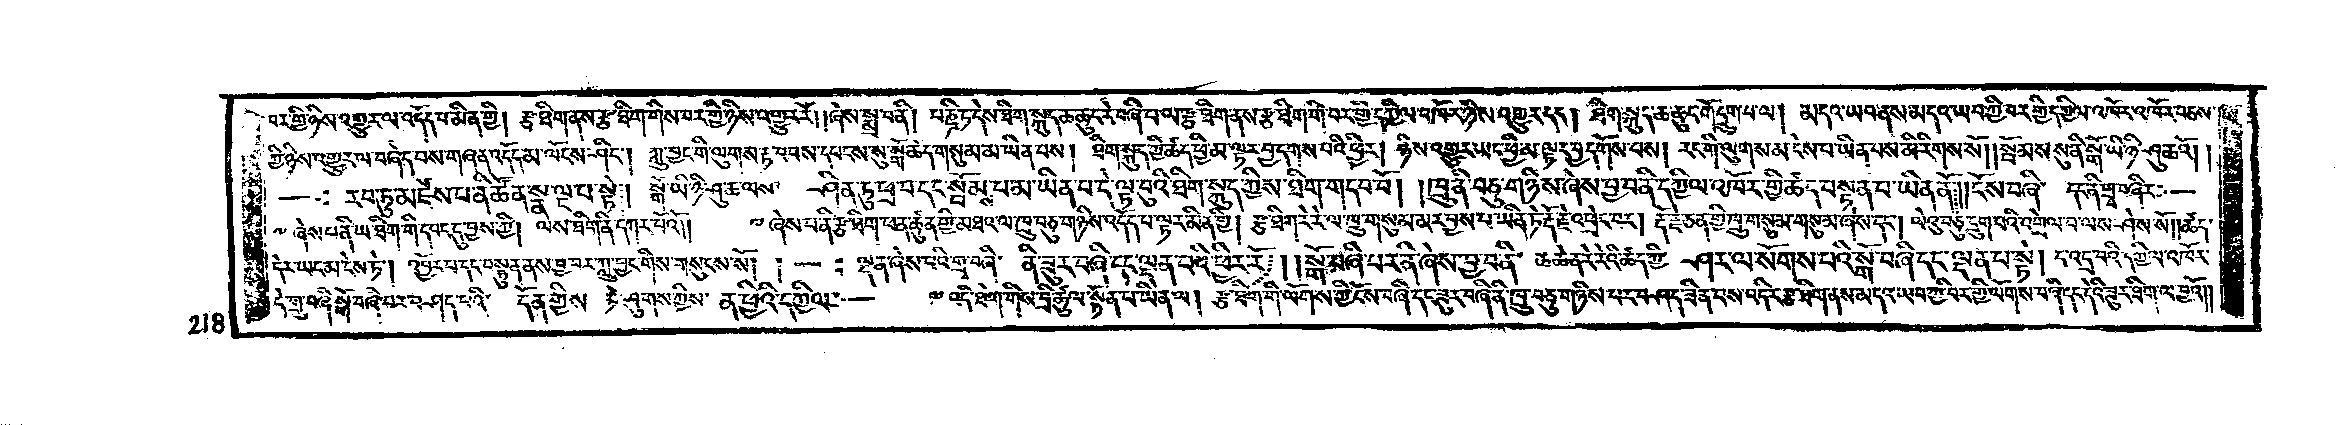བར་གྱི་ཉིས་འགྱུར་ལ་འདོད་པ་མིན་གྱི། རྩ་ཐིག་ནས་རྩ་ཐིག་གིས་བར་གྱི་ཉིས་འགྱུར་རོ། །ཞེས་སྨྲ་བ་ནི། པཎྜི་ཏ་དེས་ཐིག་སྐུད་ཆ་ཆུང་རེ་བཞི་པ་ལ་རྩ་ཐིག་ནས་རྩ་ཐིག་གི་བར་གྱི་དཀྱིལ་འཁོར་ཉིས་འགྱུར་དང་། ཐིག་སྐུད་ཆ་ཆུང་གོ་དྲུག་པ་ལ། མདའ་ཡབ་ནས་མདའ་ཡབ་ཀྱི་བར་གྱི་དཀྱིལ་འཁོར་འཁོར་བཅས་
ཀྱི་ཉིས་འགྱུར་ལ་བཞེད་པས་གཞན་འདོད་མ་ལོངས་ཤིང་། ཀླུ་བྱང་གི་ལུགས་རྟ་བབས་དཔངས་སུ་སྒོ་ཚད་གསུམ་མ་ཡིན་པས། ཐིག་སྐུད་ཀྱི་ཚད་ཕྱི་མ་ལྟར་བྱ་དགོས་པའི་ཕྱིར། ཉིས་འགྱུར་ཡང་ཕྱི་མ་ལྟར་བྱ་དགོས་པས། རང་གི་ལུགས་མ་ངེས་པ་ཡིན་པས་མི་རིགས་སོ། །སྦོམས་སུ་ནི་སྒོ་ཡི་ཉི་ཤུ་ཆའོ། །
.H རབ་ཏུ་མཛེས་པ་ནི་ཚོན་སྣ་ལྔ་པ་སྟེ། སྒོ་ཡི་ཉི་ཤུ་ཆ་ལས།  ཤིན་ཏུ་ཕྲ་བ་དང་སྦོམས་པ་མ་ཡིན་པ་དེ་ལྟ་བུའི་ཐིག་སྐུད་ཀྱིས་ཐིག་གདབ་བོ། །ཁྲུ་ནི་བཅུ་གཉིས་ཞེས་བྱ་བ་ནི་དཀྱིལ་འཁོར་གྱི་ཚད་བསྟན་པ་ཡིན་ནོ། །ངོས་བཞི་དང་ནི་གྲྭ་བཞིར་H.
༧ཞེས་པ་ནི་ཡ་ཐིག་གི་དབང་དུ་བྱས་ཀྱི། ལས་ཐིག་ནི་དཀར་པོའོ།། ༧ཞེས་པ་ནི་རྩ་ཐིག་ཕན་ཚུན་གྱི་མཐའ་ལ་ཁྲུ་བཅུ་གཉིས་འདོད་པ་ལྟར་མིན་གྱི། རྩ་ཐིག་རེ་རེ་ལ་ཁྲུ་གསུམ་མར་བྱས་པ་ཡིན་ཏེ་རྡོ་རྗེ་འཕྲེང་བར། རྡོ་རྗེ་ཅན་གྱི་ཁྲུ་གསུམ་གསུམ་ཞེས་དང་། ལེའུ་བཅུ་དྲུག་པའི་འགྲེལ་པ་ལས་ཤེས་སོ། །ཚད་
དེར་ཡང་མ་ངེས་ཏེ། འབྱོར་བ་དང་བསྟུན་ནས་བྱ་བར་ཀླུ་བྱང་གིས་གསུངས་སོ། ། .H ལྡན་ཞེས་པའི་གྲྭ་བཞི་ནི་ཟུར་བཞི་དང་ལྡན་པའི་ཕྱིར་རོ། །སྒོ་བཞི་པར་ནི་ཞེས་བྱ་བ་ནི་ཆ་ཆེན་རེ་རེའི་ཚད་ཀྱི་ཤར་ལ་སོགས་པའི་སྒོ་བཞི་དང་ལྡན་པ་སྟེ། དེ་འདྲ་བའི་དཀྱིལ་འཁོར་
དེ་གྲུ་བཞི་སྒོ་བཞི་པར་བཤད་པའི་དོན་གྱིས་ཏེ་ཤུགས་ཀྱིས་ན་ཕྱིའི་དཀྱིལ་H.་༧འདི་ཐིག་གིས་བྲི་ཚུལ་སྟོན་པ་ཡིན་ལ། རྩ་ཐིག་གི་ལོགས་ཀྱི་ངོས་བཞི་དང་ཟུར་བཞི་ནི་ཁྲུ་བཅུ་གཉིས་པར་བཤད་ཟིན་པས་འདིར་རྩ་ཐིག་ནས་མདའ་ཡབ་ཀྱི་བར་གྱི་ལོགས་བཞི་དང་དེའི་ཟུར་ཐིག་ལ་བྱའོ། །